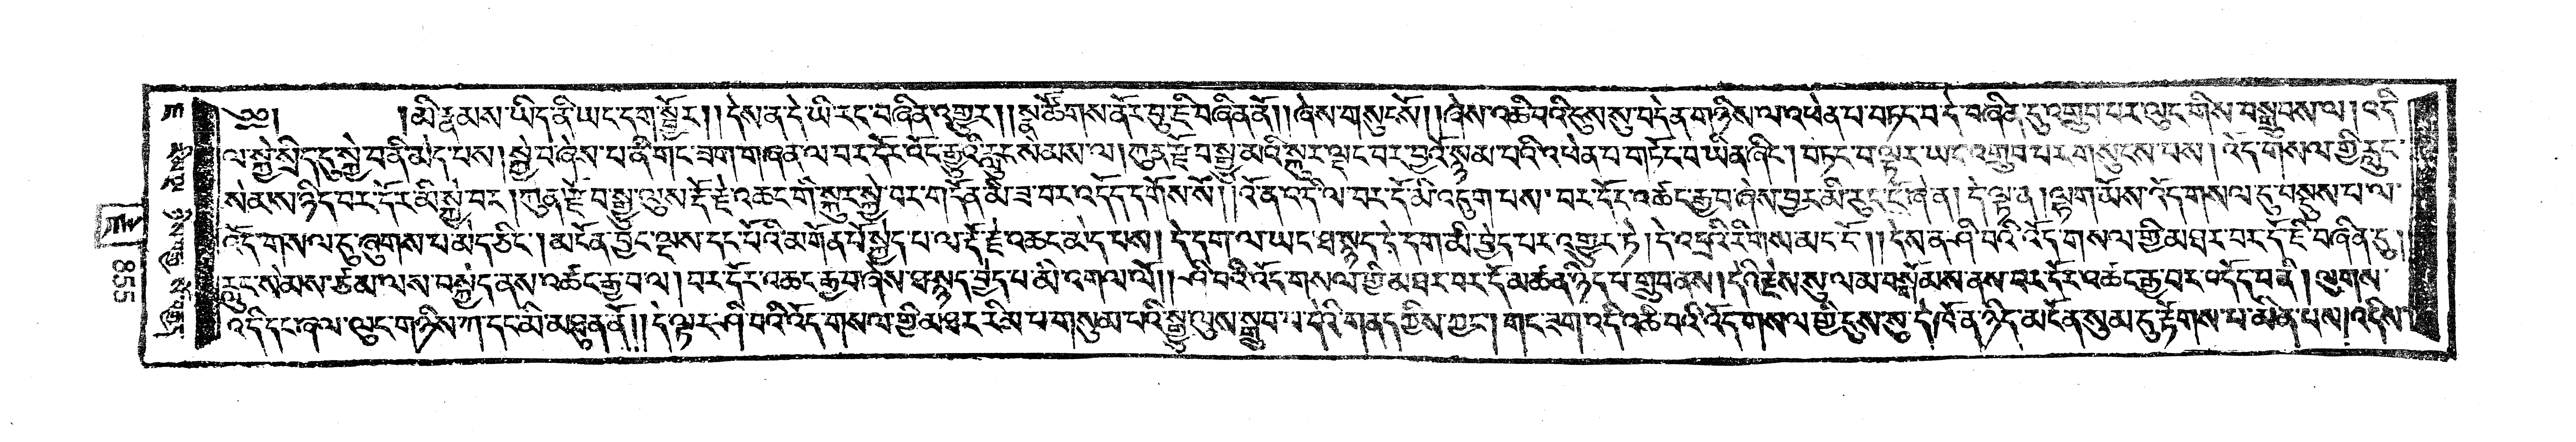༄༅། །མི་རྣམས་ཡིད་ནི་ཡང་དག་སྦྱོར། །དེས་ན་དེ་ཡི་རང་བཞིན་འགྱུར། །སྣ་ཚོགས་ནོར་བུ་ཇི་བཞིན་ནོ། །ཞེས་གསུངས་སོ། །ཞེས་འཆི་བའི་དུས་སུ་བདེན་གཉིས་ལ་འཕེན་པ་བཏང་བ་དེ་བཞིན་དུ་འགྲུབ་པར་ལུང་གིས་བསྒྲུབས་ལ། འདི་
ལ་སྐྱེ་སྲིད་དུ་སྐྱེ་བ་ནི་མེད་པས། སྐྱེ་བ་ཞེས་པ་ནི་གང་ཟག་གཞན་ལ་བར་དོར་འོང་རྒྱུའི་རླུང་སེམས་ལ། ཀུན་རྫོབ་སྒྱུ་མའི་སྐུར་ལྡང་བར་བྱའོ་སྙམ་པའི་འཕེན་པ་གཏོང་བ་ཡིན་ཞིང་། བཏང་བ་ལྟར་ཡང་འགྲུབ་པར་གསུངས་པས། འོད་གསལ་གྱི་རླུང་
སེམས་ཉིད་བར་དོར་མི་སྐྱེ་བར། ཀུན་རྫོབ་སྒྱུ་ལུས་རྡོ་རྗེ་འཆང་གི་སྐུར་སྐྱེ་བར་གདོན་མི་ཟ་བར་འདོད་དགོས་སོ། །འོ་ན་འདི་ལ་བར་དོ་མི་འདུག་པས་བར་དོར་འཚང་རྒྱ་བ་ཞེས་བྱར་མི་རུང་རོ་ཞེ་ན། དེ་ལྟ་ན། ལྷག་མོས་འོད་གསལ་དུ་བསྡུས་པ་ལ་
འོད་གསལ་དུ་ཞུགས་པ་མེད་ཅིང་། མངོན་བྱང་ལྔས་དང་པོའི་མགོན་པོ་སྐྱེད་པ་ལ་རྡོ་རྗེ་འཆང་མེད་པས། དེ་དག་ལ་ཡང་ཐ་སྙད་དེ་དག་མི་བྱེད་པར་འགྱུར་ཏེ། དེ་འདྲའི་རིགས་མང་ངོ། །དེས་ན་ཤི་བའི་འོད་གསལ་གྱི་མཐར་བར་དོ་ཇི་བཞིན་དུ།
རླུང་སེམས་ཙམ་ལས་བསྐྱེད་ནས་འཚང་རྒྱ་བ་ལ། བར་དོར་འཚང་རྒྱ་བ་ཞེས་ཐ་སྙད་བྱེད་པ་མི་འགལ་ལོ། །ཤི་བའི་འོད་གསལ་གྱི་མཐར་བར་དོ་མཚན་ཉིད་པ་གྲུབ་ནས། དེའི་རྗེས་སུ་ལམ་བསྒོམས་ནས་བར་དོར་འཚང་རྒྱ་བར་འདོད་པ་ནི། ལུགས་
འདི་དང་ཞལ་ལུང་གཉིས་ཀ་དང་མི་མཐུན་ནོ། །དེ་ལྟར་ཤི་བའི་འོད་གལ་གྱི་མཐར་རིམ་པ་གསུམ་པའི་སྒྱུ་ལུས་སྒྲུབ་པ་དེའི་གནད་ཀྱིས་ཀྱང་། གང་ཟག་འདི་འཆི་བའི་འོད་གསལ་གྱི་དུས་སུ་དེ་ཁོ་ན་ཉིད་མངོན་སུམ་དུ་རྟོགས་པ་མིན་པས། འདིས་